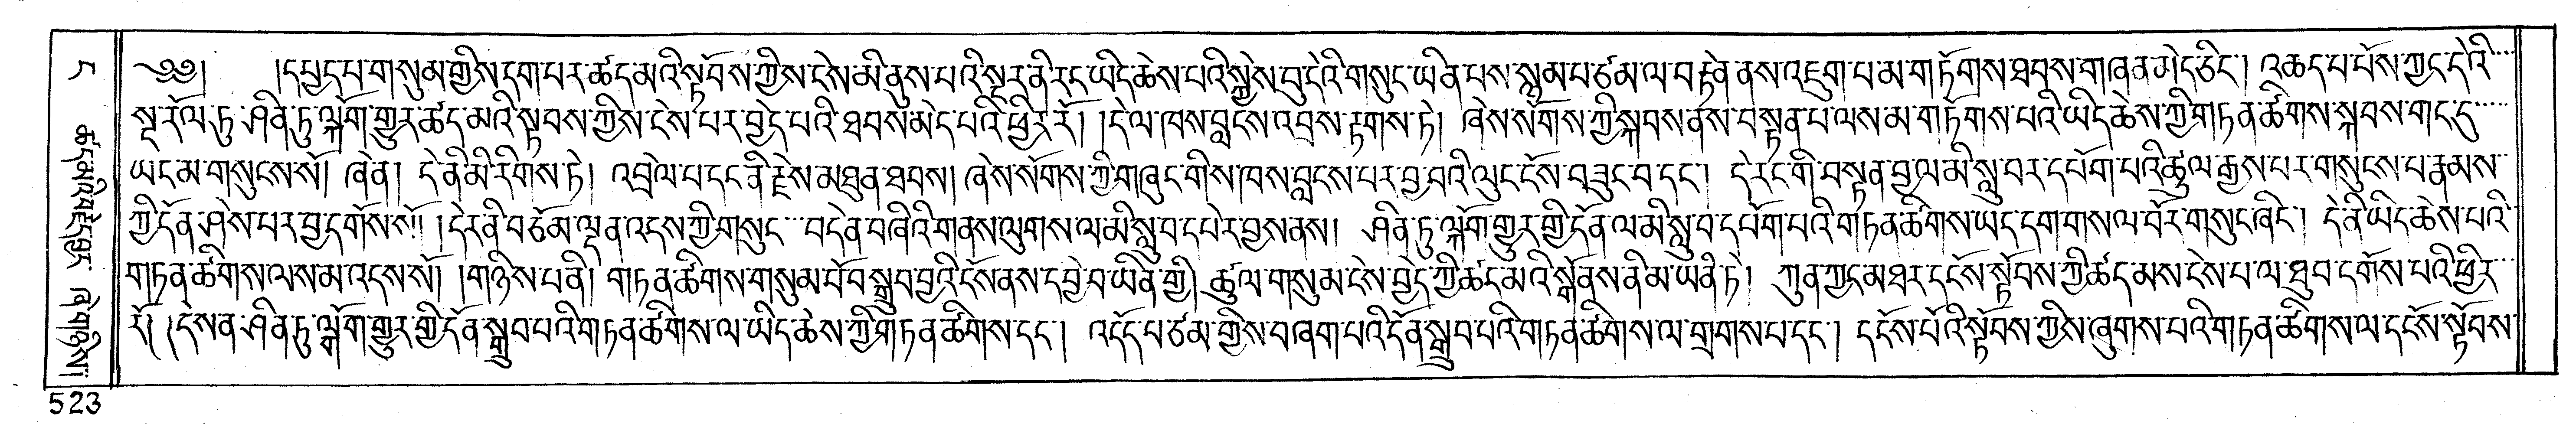༄༅། །དཔྱད་པ་གསུམ་གྱིས་དག་པར་ཚད་མའི་སྟོབས་ཀྱིས་ངེས་མི་ནུས་པའི་སྔར་ནི་རང་ཡིད་ཆེས་པའི་སྐྱེས་བུ་དེའི་གསུང་ཡིན་པས་སྙམ་པ་ཙམ་ལ་བརྟེན་ནས་འཇུག་པ་མ་གཏོགས་ཐབས་གཞན་མེད་ཅིང་། འཆད་པ་པོས་ཀྱང་དེའི་
སྔ་རོལ་ཏུ་ཤིན་ཏུ་ལྐོག་གྱུར་ཚད་མའི་སྟོབས་ཀྱིས་ངེས་པར་བྱེད་པའི་ཐབས་མེད་པའི་ཕྱིར་རོ། །དེ་ལ་ཁས་བླངས་འབྲས་རྟགས་ཏེ། ཞེས་སོགས་ཀྱི་སྐབས་ནས་བསྟན་པ་ལས་མ་གཏོགས་པའི་ཡིད་ཆེས་ཀྱི་གཏན་ཚིགས་སྐབས་གང་དུ་
ཡང་མ་གསུངས་སོ། ཞེ་ན། དེ་ནི་མི་རིགས་ཏེ། འབྲེལ་པ་དང་ནི་རྗེས་མཐུན་ཐབས། ཞེས་སོགས་ཀྱི་གཞུང་གིས་ཁས་བླངས་པར་བྱ་བའི་ལུང་ངོས་བཟུང་བ་དང་། དེ་རང་གི་བསྟན་བྱ་ལ་མི་སླུ་བར་དཔོག་པའི་ཚུལ་རྒྱས་པར་གསུངས་པ་རྣམས་
ཀྱི་དོན་ཤེས་པར་བྱ་དགོས་སོ། །དེར་ནི་བཅོམ་ལྡན་འདས་ཀྱི་གསུང་བདེན་བཞིའི་གནས་ལུགས་ལ་མི་སླུ་བ་དཔེར་བྱས་ནས། ཤིན་ཏུ་ལྐོག་གྱུར་གྱི་དོན་ལ་མི་སླུ་བ་དཔོག་པའི་གཏན་ཚིགས་ཡང་དག་གསལ་པོར་གསུང་ཞིང་། དེ་ནི་ཡིད་ཆེས་པའི་
གཏན་ཚིགས་ལས་མ་འདས་སོ། །གཉིས་པ་ནི། གཏན་ཚིགས་གསུམ་པོ་བསྒྲུབ་བྱའི་ངོས་ནས་དབྱེ་བ་ཡིན་གྱི། ཚུལ་གསུམ་ངེས་བྱེད་ཀྱི་ཚད་མའི་སྒོ་ནས་ནི་མི་ཡིན་ཏེ། ཀུན་ཀྱང་མཐར་དངོས་སྟོབས་ཀྱི་ཚད་མས་ངེས་པ་ལ་ཐུབ་དགོས་པའི་ཕྱིར་
རོ༑ ༑དེས་ན་ཤིན་ཏུ་ལྐོག་གྱུར་གྱི་དོན་སྒྲུབ་པའི་གཏན་ཚིགས་ལ་ཡིད་ཆེས་ཀྱི་གཏན་ཚིགས་དང་། འདོད་པ་ཙམ་གྱིས་བཞག་པའི་དོན་སྒྲུབ་པའི་གཏན་ཚིགས་ལ་གྲགས་པ་དང་། དངོས་པོའི་སྟོབས་ཀྱིས་ཞུགས་པའི་གཏན་ཚིགས་ལ་དངོས་སྟོབས་